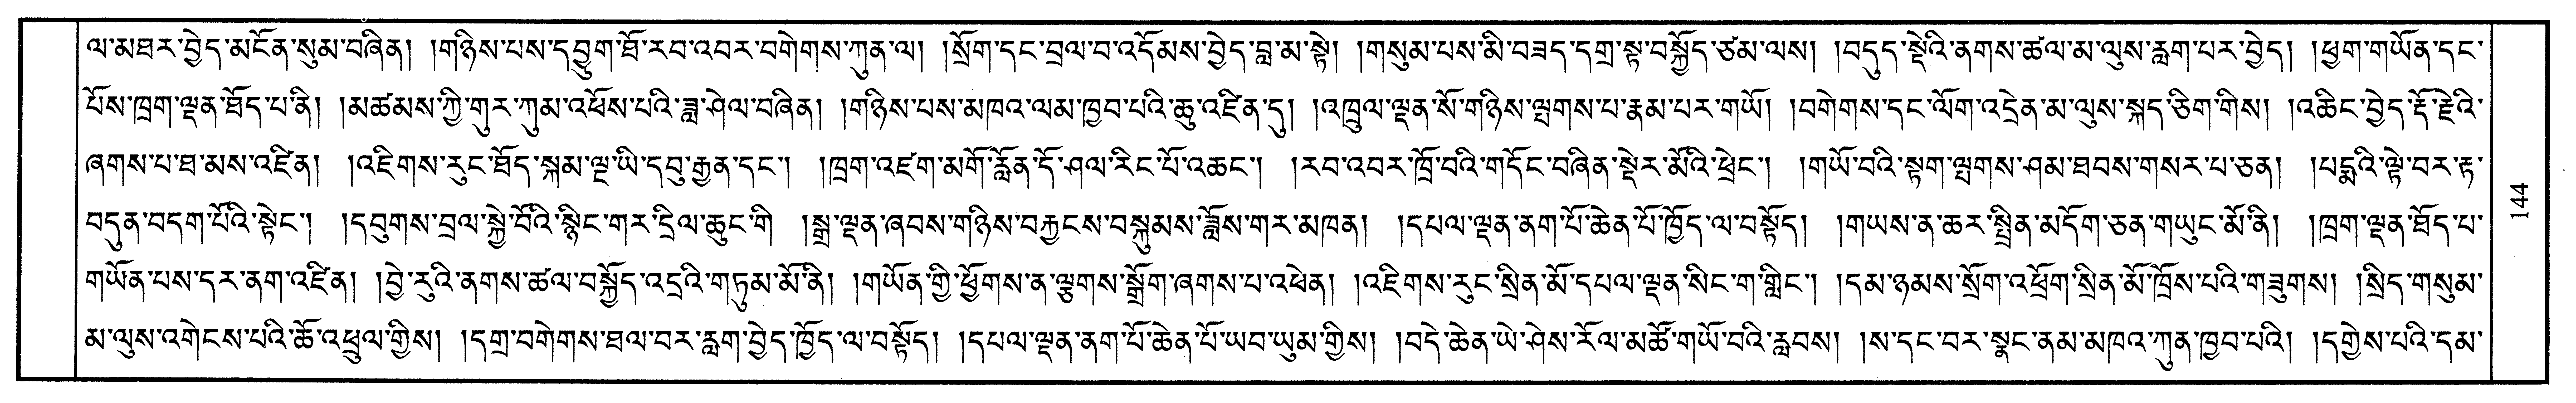ལ་མཐར་བྱེད་མངོན་སུམ་བཞིན། །གཉིས་པས་དབྱུག་ཐོ་རབ་འབར་བགེགས་ཀུན་ལ། །སྲོག་དང་བྲལ་བ་འདོམས་བྱེད་བླ་མ་སྟེ། །གསུམ་པས་མི་བཟད་དགྲ་སྟ་བསྐྱོད་ཙམ་ལས། །བདུད་སྡེའི་ནགས་ཚལ་མ་ལུས་རླག་པར་བྱེད། །ཕྱག་གཡོན་དང་
པོས་ཁྲག་ལྡན་ཐོད་པ་ནི། །མཚམས་ཀྱི་གུར་ཀུམ་འཕོས་པའི་ཟླ་ཤེལ་བཞིན། །གཉིས་པས་མཁའ་ལམ་ཁྱབ་པའི་ཆུ་འཛིན་དུ། །འཁྲུལ་ལྡན་སོ་གཉིས་ལྤགས་པ་རྣམ་པར་གཡོ། །བགེགས་དང་ལོག་འདྲེན་མ་ལུས་སྐད་ཅིག་གིས། །འཆིང་བྱེད་རྡོ་རྗེའི་
ཞགས་པ་ཐ་མས་འཛིན། །འཇིགས་རུང་ཐོད་སྐམ་ལྔ་ཡི་དབུ་རྒྱན་དང་། །ཁྲག་འཛག་མགོ་རློན་དོ་ཤལ་རིང་པོ་འཆང་། །རབ་འབར་ཁྲོ་བའི་གདོང་བཞིན་སྡེར་མོའི་ཕྲེང་། །གཡོ་བའི་སྟག་ལྤགས་ཤམ་ཐབས་གསར་པ་ཅན། །པདམའི་ལྟེ་བར་རྟ་
བདུན་བདག་པོའི་སྟེང་། །དབུགས་བྲལ་སྐྱེ་བོའི་སྙིང་གར་དྲིལ་ཆུང་གི །སྒྲ་ལྡན་ཞབས་གཉིས་བརྐྱངས་བསྐུམས་ཟློས་གར་མཁན། །དཔལ་ལྡན་ནག་པོ་ཆེན་པོ་ཁྱོད་ལ་བསྟོད། །གཡས་ན་ཆར་སྤྲིན་མདོག་ཅན་གཡུང་མོ་ནི། །ཁྲག་ལྡན་ཐོད་པ་
གཡོན་པས་དར་ནག་འཛིན། །བྱེ་རུའི་ནགས་ཚལ་བསྐྱོད་འདྲའི་གཏུམ་མོ་ནི། །གཡོན་གྱི་ཕྱོགས་ན་ལྕགས་སྒྲོག་ཞགས་པ་འཕེན། །འཇིགས་རུང་སྲིན་མོ་དཔལ་ལྡན་སིང་ག་གླིང་། །དམ་ཉམས་སྲོག་འཕྲོག་སྲིན་མོ་ཁྲོས་པའི་གཟུགས། །སྲིད་གསུམ་
མ་ལུས་འགེངས་པའི་ཆོ་འཕྲུལ་གྱིས། །དགྲ་བགེགས་ཐལ་བར་རླག་བྱེད་ཁྱོད་ལ་བསྟོད། །དཔལ་ལྡན་ནག་པོ་ཆེན་པོ་ཡབ་ཡུམ་གྱིས། །བདེ་ཆེན་ཡེ་ཤེས་རོལ་མཚོ་གཡོ་བའི་རླབས། །ས་དང་བར་སྣང་ནམ་མཁའ་ཀུན་ཁྱབ་པའི། །དགྱེས་པའི་དམ་